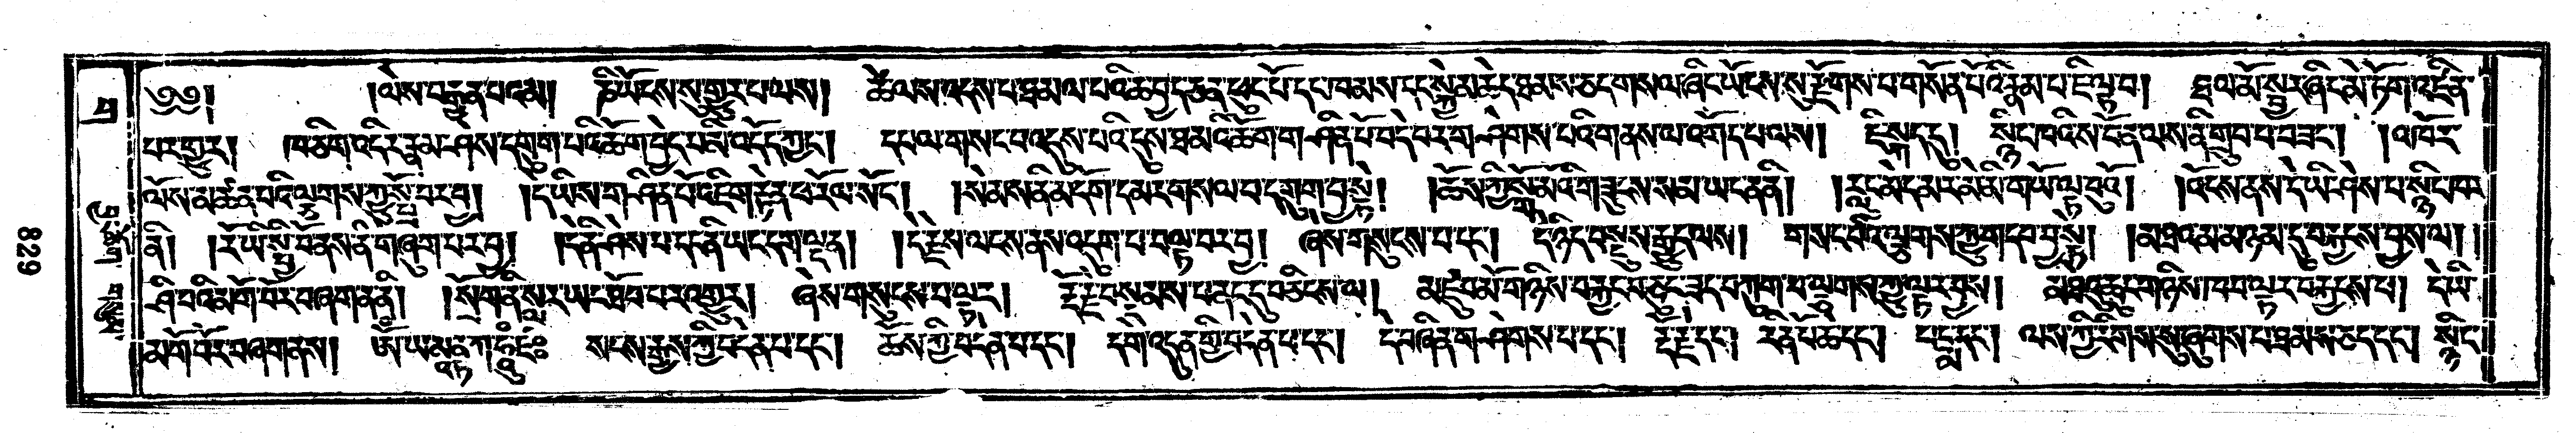༄༅། །ལེས་བརྒྱན་པའམ། ཎི་ཡོངས་སུ་གྱུར་པ་ལས། ཚེ་ལས་འདས་པ་ཐ་མལ་པའི་ཆ་བྱད་ཅན་ཕུང་པོ་དང་ཁམས་དང་སྐྱེ་མཆེད་ཐམས་ཅད་གསལ་ཞིང་ཡོངས་སུ་རྫོགས་པ་གསོན་པོའི་རྣམ་པ་ཇི་ལྟ་བ། ཐལ་མོ་སྦྱར་ཞིང་མེ་ཏོག་འཛིན་
པར་གྱུར། ཁ་ཅིག་འདིར་རྣམ་ཤེས་དགུག་པའི་ཆོ་ག་བྱེད་པ་མི་འདོད་ཀྱང་། དཔལ་གསང་བ་འདུས་པའི་དུས་ཐ་མའི་ཆོ་ག་གཤིན་པོ་བདེ་བར་གཤེགས་པའི་གནས་ལ་འགོད་པ་ལས། ཇི་སྐད་དུ། སྙིང་ཁའི་ས་བོན་ལས་ནི་གྲུབ་པ་བཟང་། །འཁོར་
ལོས་མཚན་པའི་ལྕགས་ཀྱུ་སྤྲོ་བར་བྱ། །དེ་ཡིས་གཤིན་པོ་འཇིག་རྟེན་ཕ་རོལ་སོང་། །སེམས་ནི་མདོག་དམར་གསལ་བ་དགུག་བྱ་སྟེ། །ཆོས་ཀྱི་སྒོ་མོའི་གཟུངས་སམ་ཡང་ན་ནི། །རླུང་མེད་མར་མེ་མི་གཡོ་ལྟ་བུའོ། །འོངས་ནས་དེ་ཡི་ཤེས་པ་སྙིང་ཁར་
ནི། །རོ་ཡི་སྦྱི་བོ་ནས་ནི་གཞུག་པར་བྱ། །དེ་ནི་ཤེས་པ་དང་ནི་ཡང་དག་ལྡན། །དེ་རྗེས་ལངས་ནས་འདུག་པ་བལྟ་བར་བྱ། ཞེས་གསུངས་པ་དང་། དེ་ཉིད་བསྡུས་རྒྱུད་ལས། གསང་བའི་ལྕགས་ཀྱུ་གདབ་བྱ་སྟེ། །མཐའ་མ་མཉམ་དུ་བརྐྱངས་བྱས་ལ། །
ཤི་བའི་མགོ་བོར་བཞག་ན་ནི། །སྲོག་ནི་སླར་ཡང་ཐོབ་པར་འགྱུར། ཞེས་གསུངས་བ་ལྟར། རྡོ་རྗེ་བསྡམས་པ་ནང་དུ་བཅིངས་ལ། མཛུབ་མོ་གཉིས་བརྐྱང་བཅུད་ཟད་བཀུག་པ་ལྕགས་ཀྱུ་ལྟར་བྱས། མཐའུ་ཆུང་གཉིས་ཁབ་ལྟར་བརྐྱངས་པ། དེ་ཡི་
མགོ་བོར་བཞག་ནས། ཨོཾ་ཡམཱ་ནྟ་ཀ་ཧཱུཾ་ཛཿ སངས་རྒྱས་ཀྱི་བདེན་པ་དང་། ཆོས་ཀྱི་བདེན་པ་དང་། དགེ་འདུན་གྱི་བདེན་པ་དང་། དེ་བཞིན་གཤེགས་པ་དང་། རྡོ་རྗེ་དང་། རིན་པོ་ཆེ་དང་། པདམ་དང་། ལས་ཀྱི་རིགས་སུ་ཞུགས་པ་ཐམས་ཅད་དང་། སྙིང་